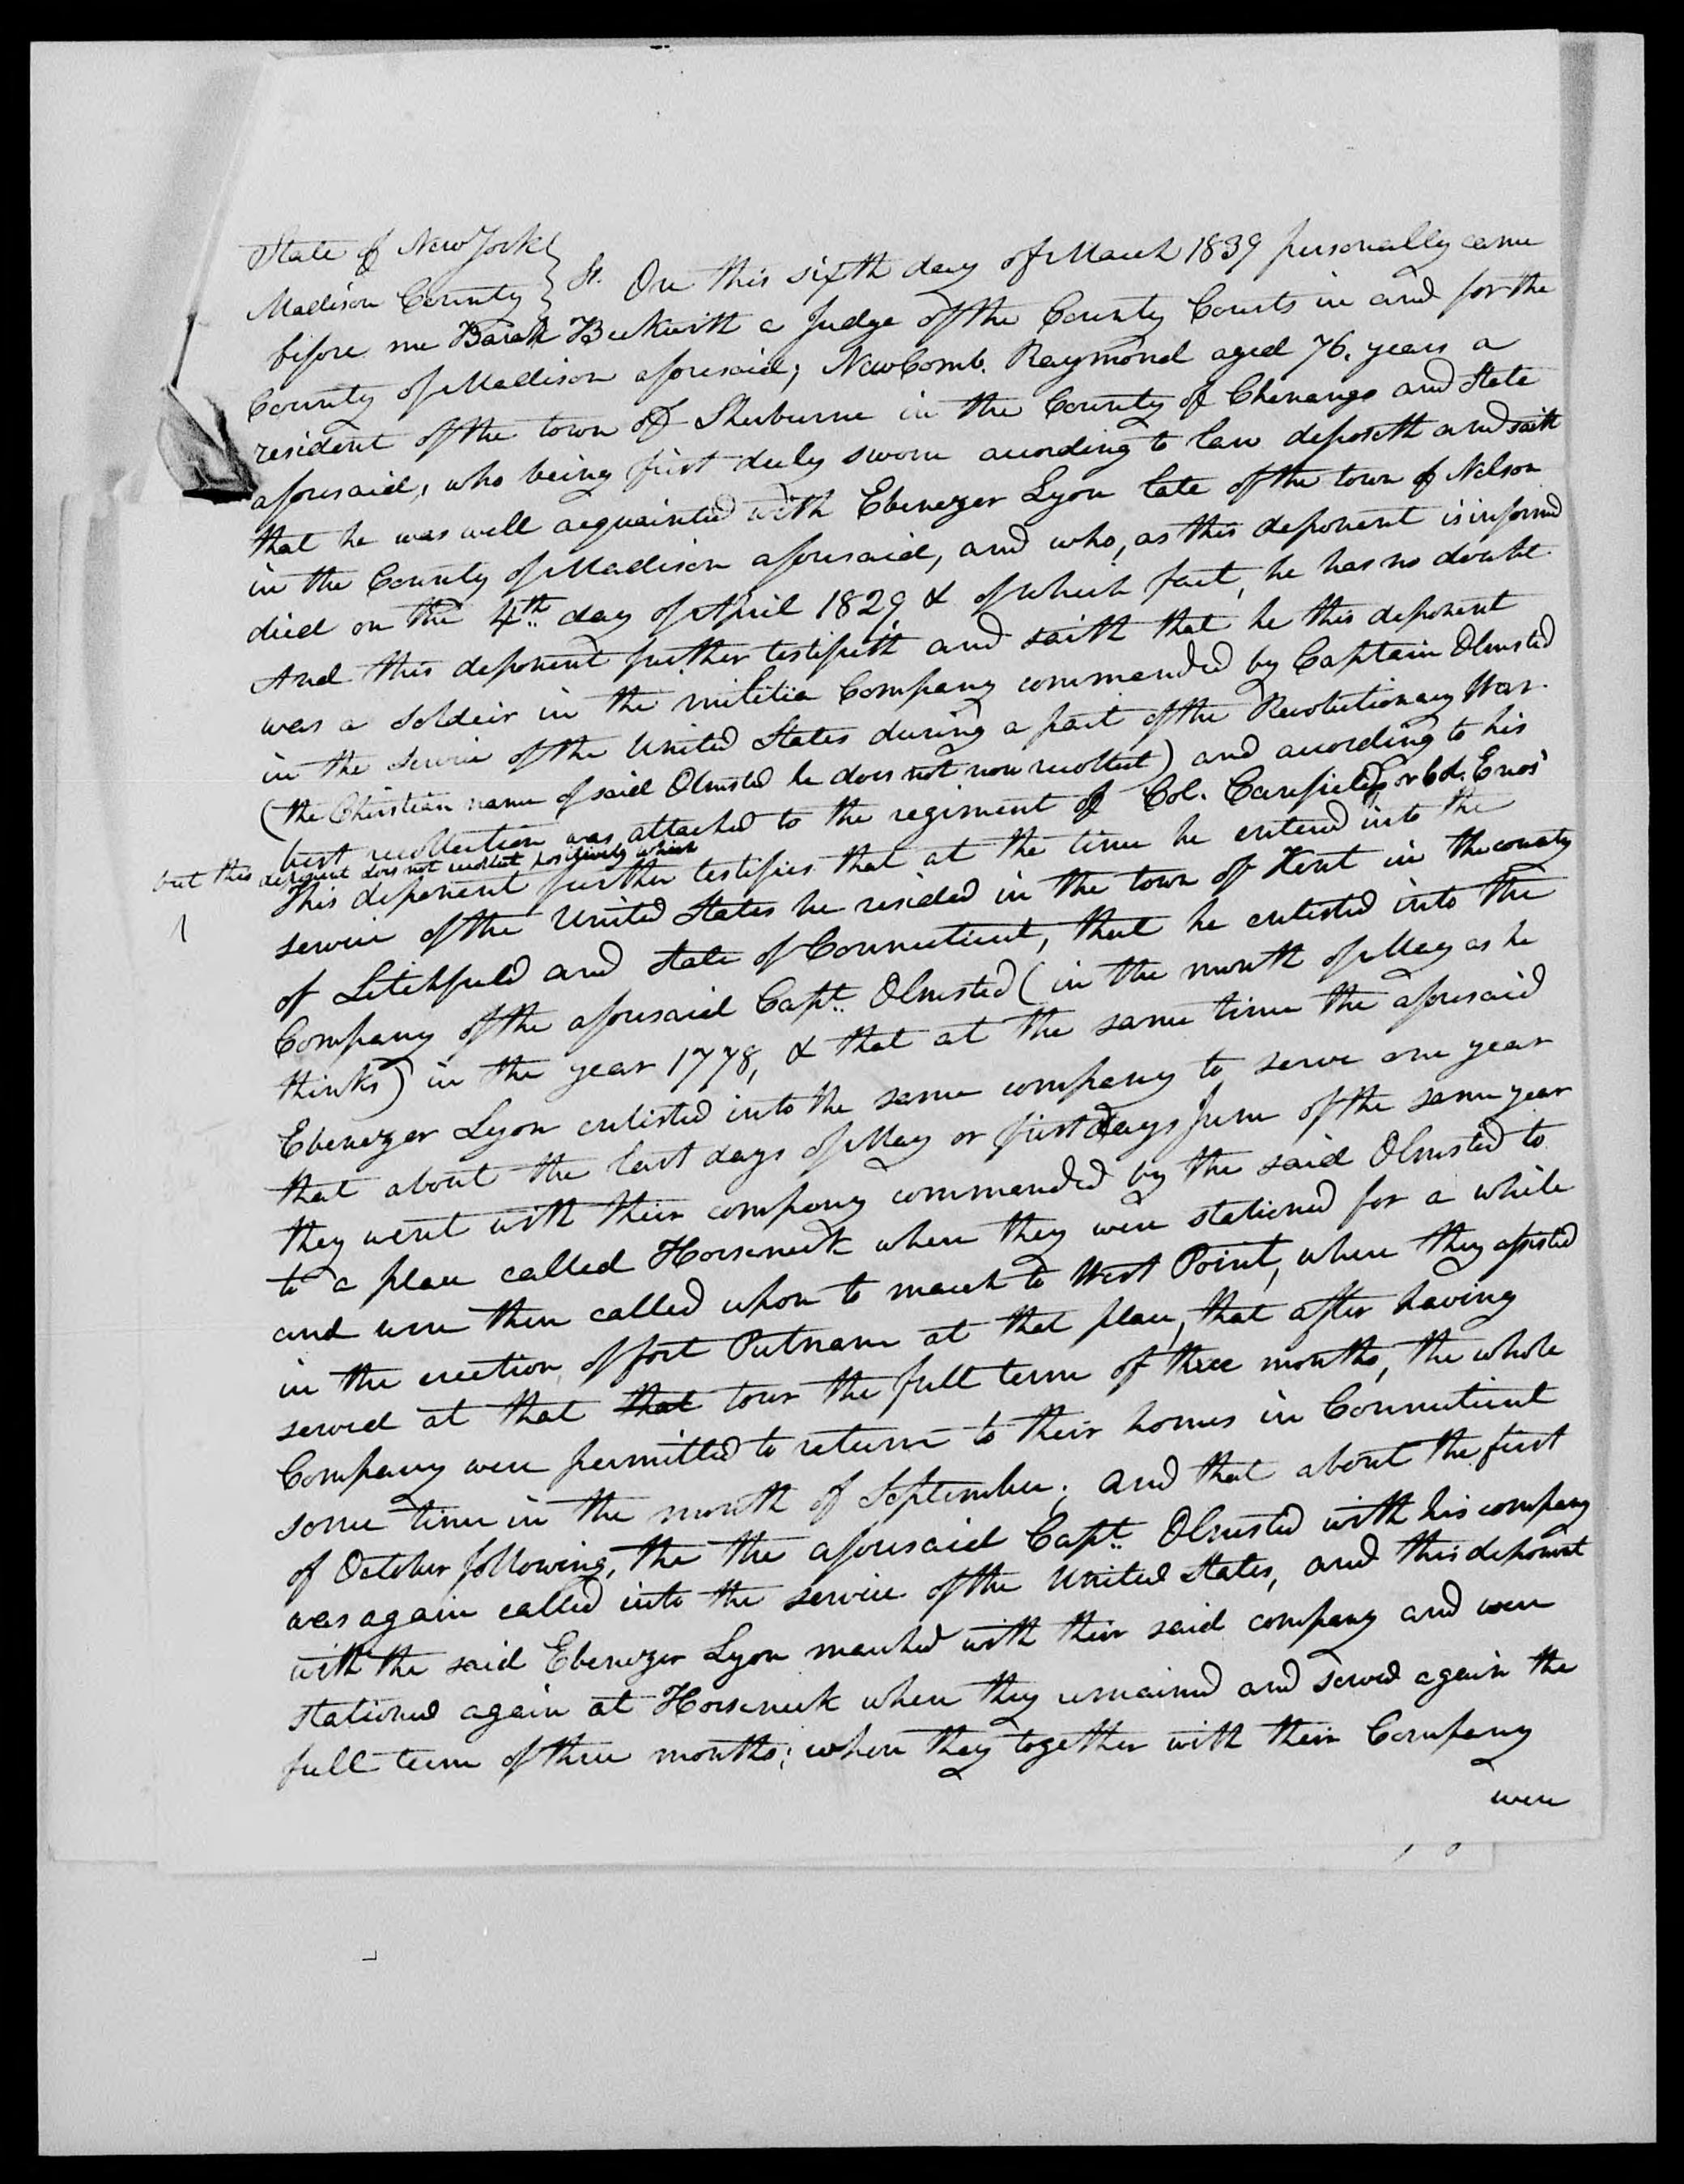State of New York
Madison County ss. On this sixth day of March 1839 personally came before me Barak Beckwith a Judge of the County Courts in and for the County of Madison aforesaid, NewComb Raymond aged 76 years a resident of the town of Sherburne in the County of Chenango and State aforesaid, who being first duly sworn according to law deposeth and saith that he was well acquainted with Ebenezer Lyon late of the town of Nelson in the County of Madison aforesaid, and who, as this deponent is informed died on the 4th day of April 1829, & of which fact, he has no doubt. And this deponent further testifieth and saith that he this deponent was a Soldier in the militia Company commanded by Captain Olmsted in the service of the United States during a part of the Revolutionary War (the Christian name of said Olmsted he does not now recollect) and according to his best recollection was attached to the regiment of Col. Canfield or Col. Enos' this deponent does not recollect positively which This deponent further testifies that at the time he entered into the service of the United States he resided in the town of Kent in the county of Litchfield and State of Connecticut, that he enlisted into the Company of the aforesaid Capt Olmsted (in the month of May as he thinks) in the year 1778, & that at the same time the aforesaid Ebenezer Lyon enlisted into the same company to serve one year that about the last days of May of first days June of the same year they went with their company commanded by the said Olmsted to to a place called Horseneck where they were stationed for a while and were then called upon to march to West Point, where they assisted in the erection of fort Putnam at that place, that after having served at that tour the full term of three months, the whole Company were permitted to return to their homes in Connecticut some time in the month of September. And that about the first of October following, the the aforesaid Capt Olmsted with his company was again called into the service of the United States, and this deponent with the said Ebenezer Lyon marched with their said company and were stationed again at Horseneck where they remained and served again the full term of three months, when they together with their Company were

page: 12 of 40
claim: widow's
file: W. 24,615, for Ebenezer Lyon, Connecticut